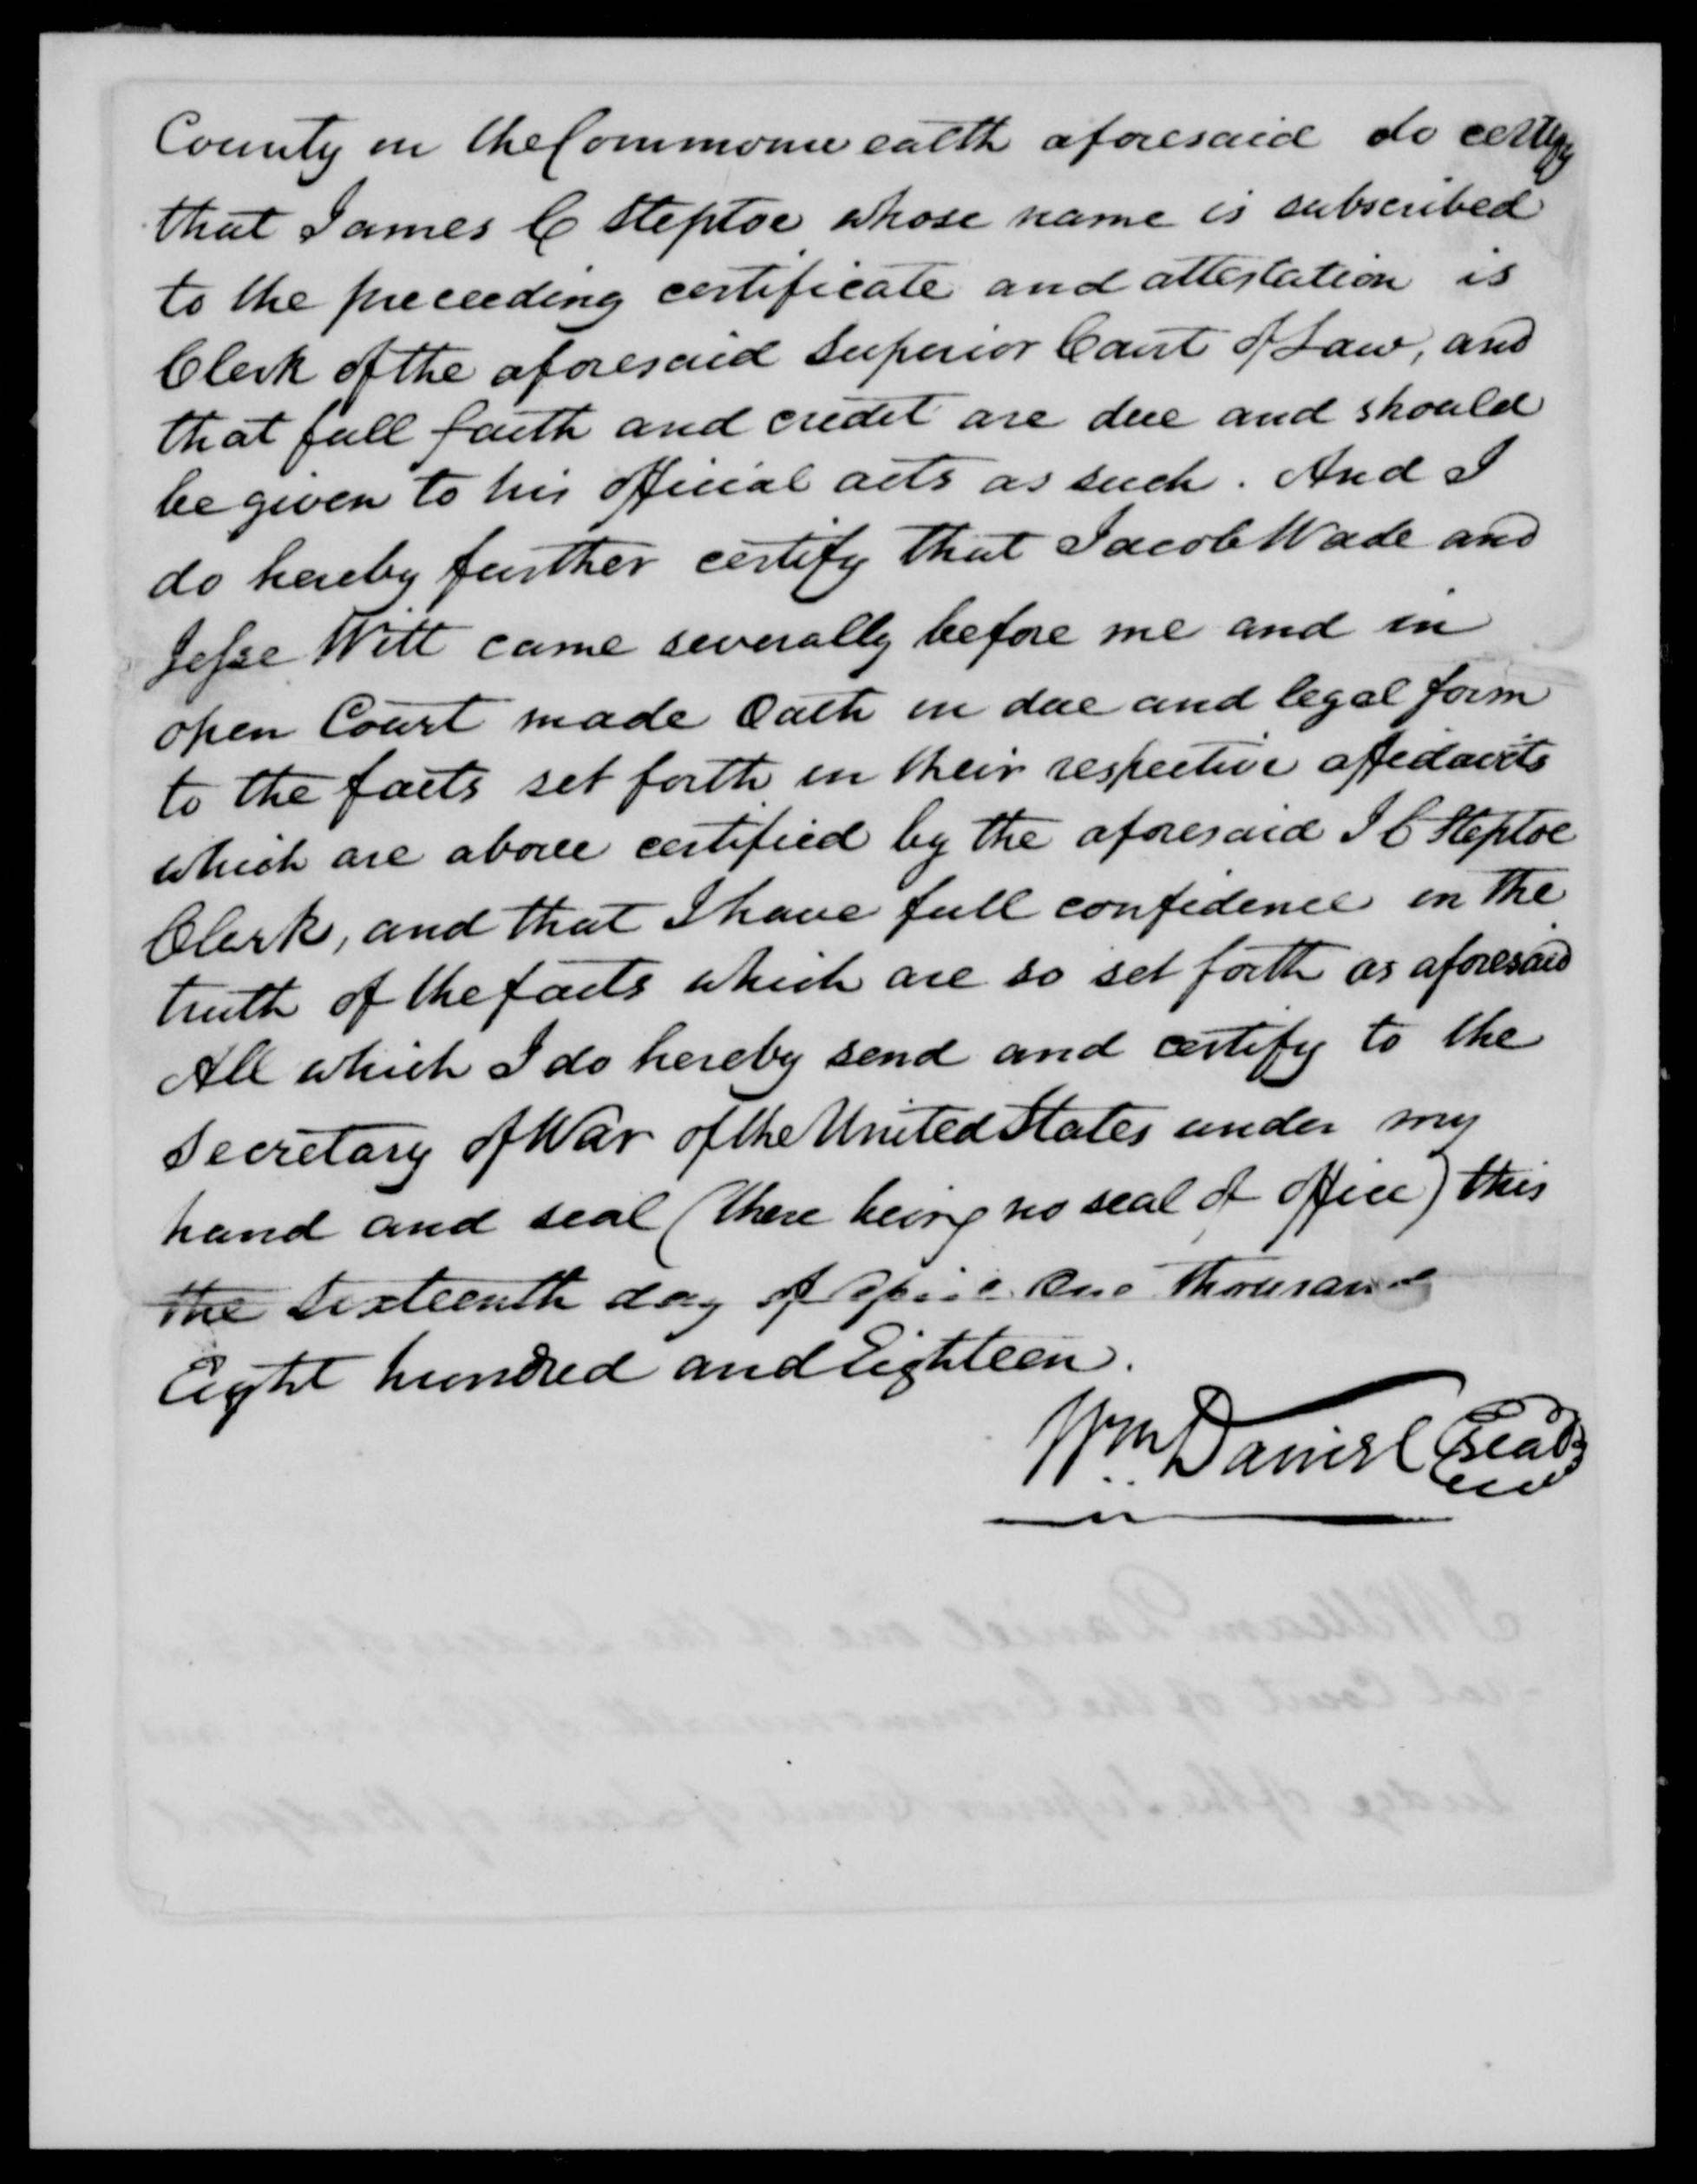County in the Commonwealth aforesaid do certify that James C Steptoe whose name is subscribed to the preceeding certificate and attestation is Clerk of the aforesaid Superior Court of Law, and that full faith and credit are due and should be given to his official acts as such.  And I do hereby further certify that Jacob Wade and Jesse Witt came severally before me and in open Court made Oath in due and legal form to the facts set forth in their respective affidavits which are above certified by the aforesaid J C Steptoe Clerk, and that I have full confidence in the truth of the facts which are so set forth as aforesaid 
All which I do hereby send and certify to the Secretary of War of the United States under my hand and seal (there being no seal of office) this the Sixteenth day of April One thousand Eight hundred and Eighteen.

Wm Daniel (seal affixed)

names: Jacob Wade, James C Steptoe, J C Steptoe, Jesse Witt, Wm Daniel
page: 5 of 10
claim: survivor's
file: S. 41290, Jacob Wade, Va.